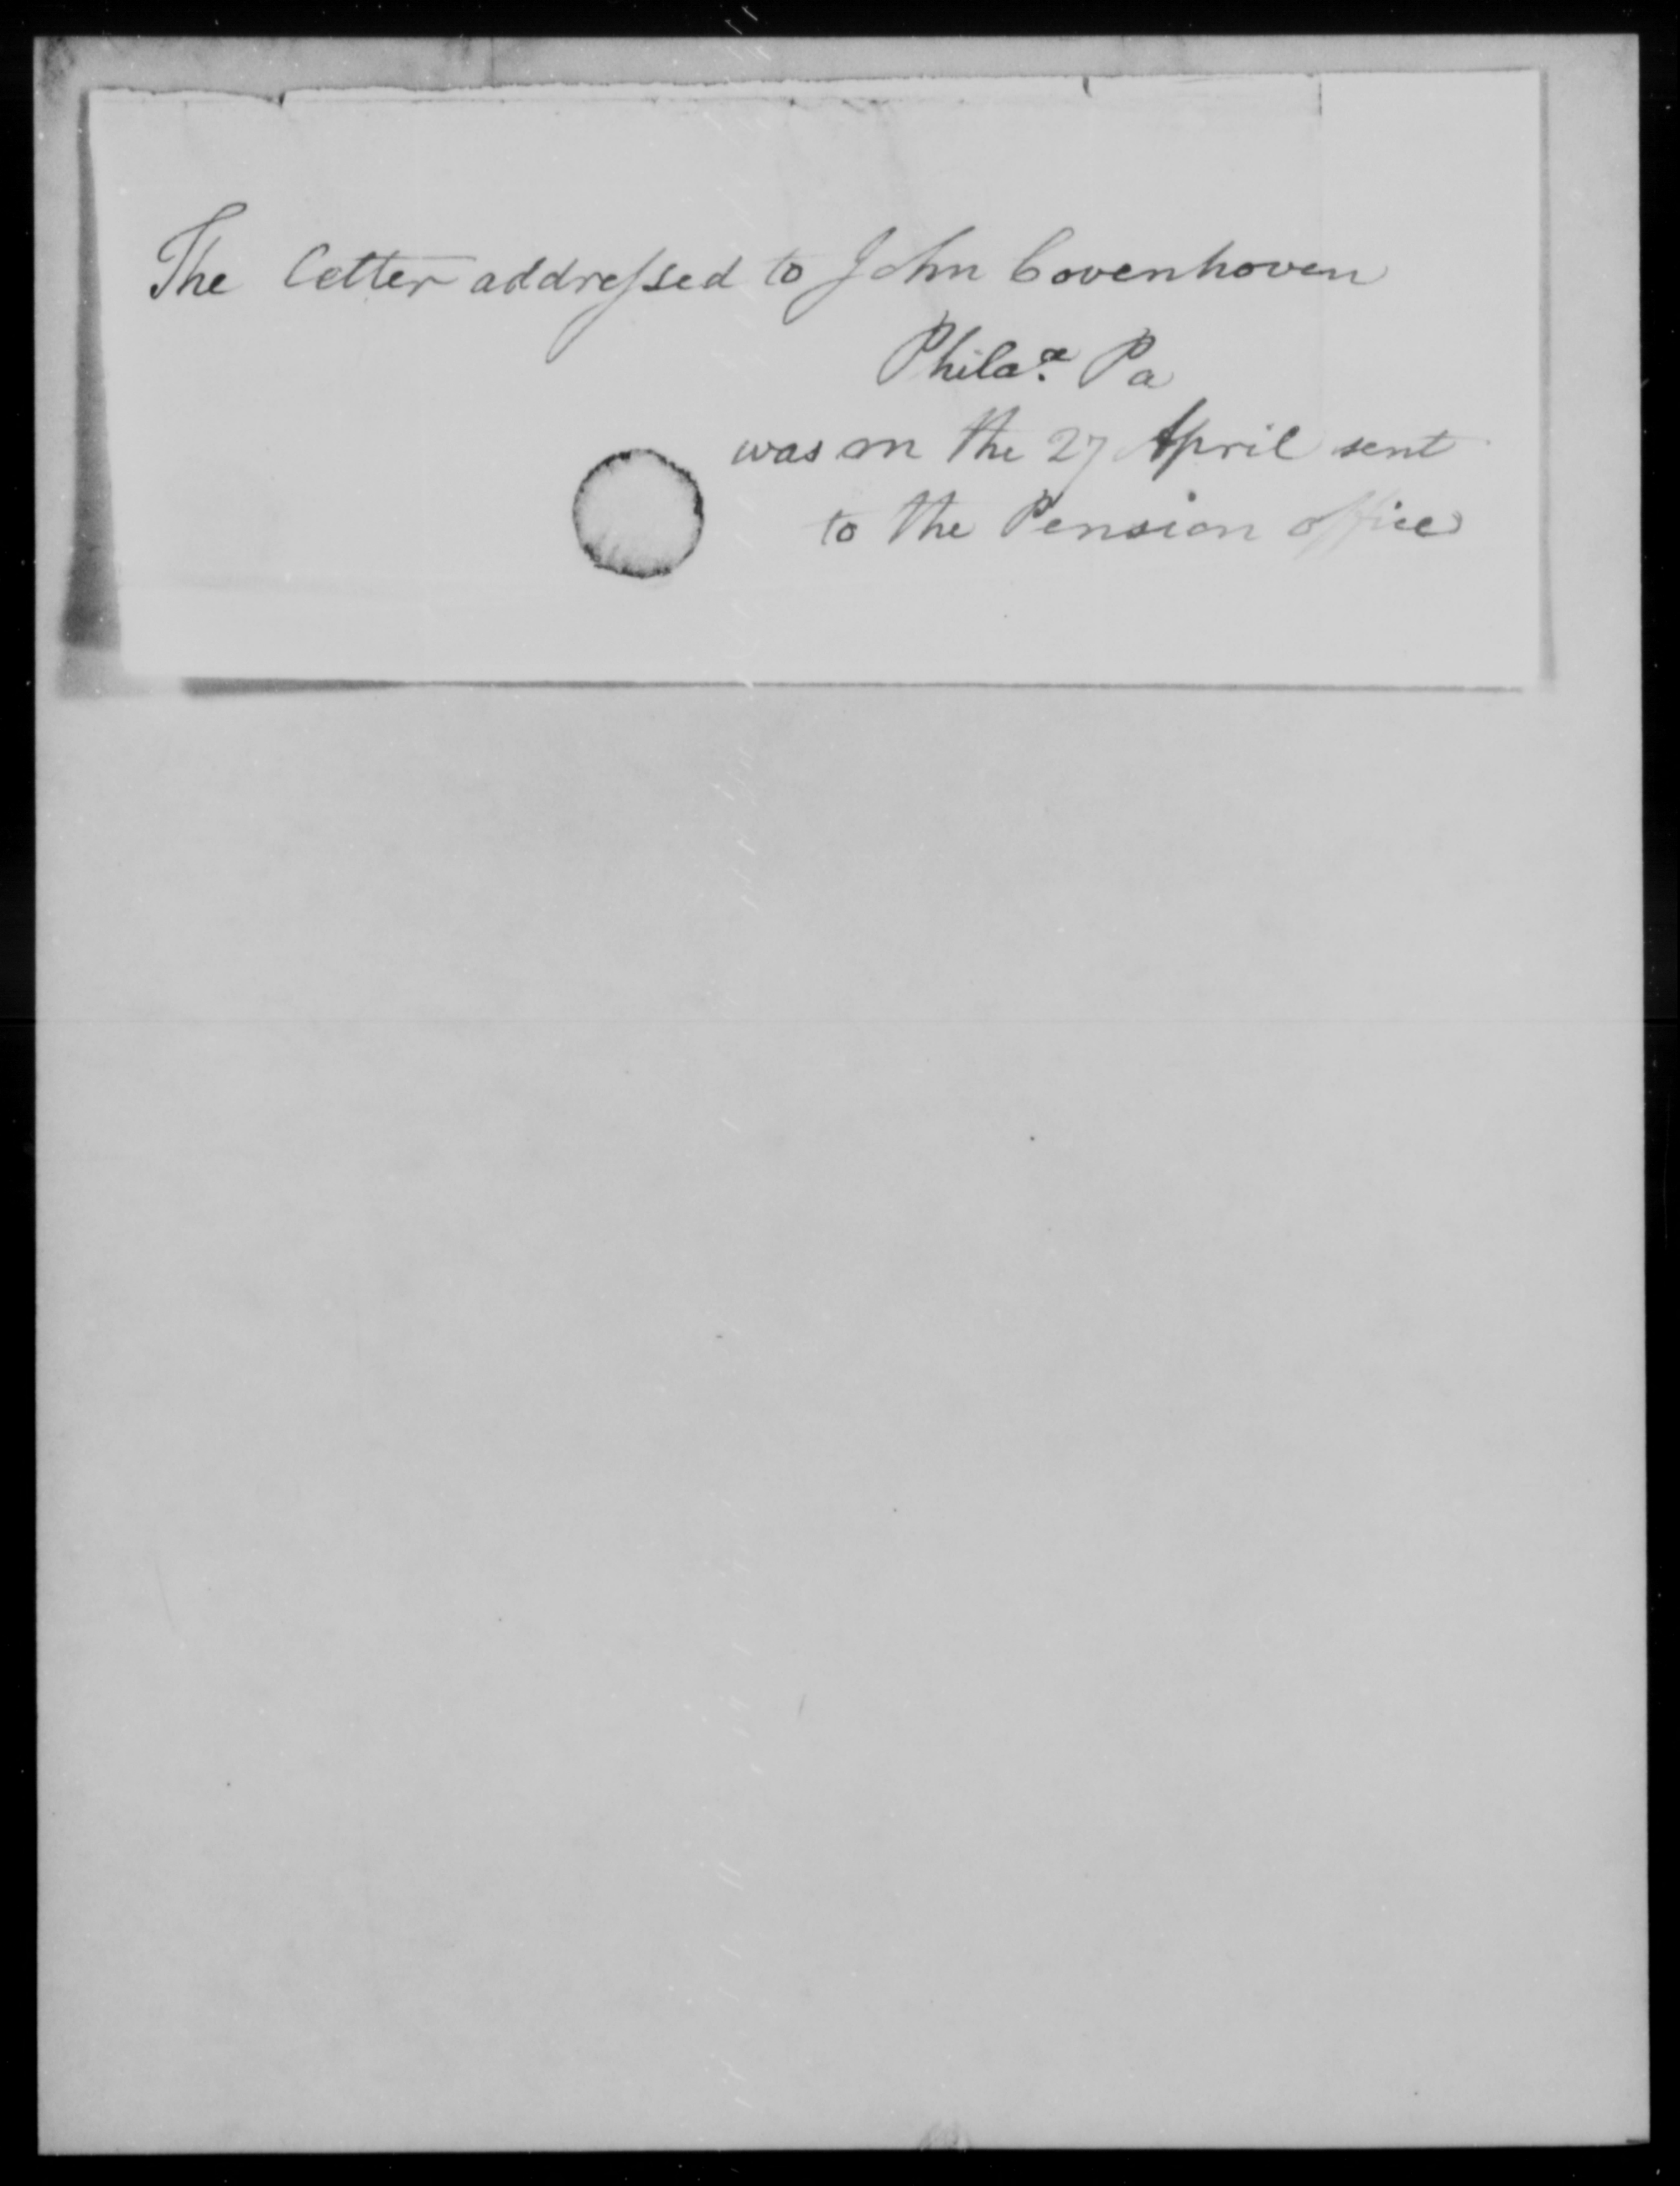The letter addressed to John Covenhoven
Phila Pa
was on the 27 April sent
to the Pension office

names: John Covenhoven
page: 41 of 75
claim: widow's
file: W. 3326, Henry Yebel, Continental (Penn.)